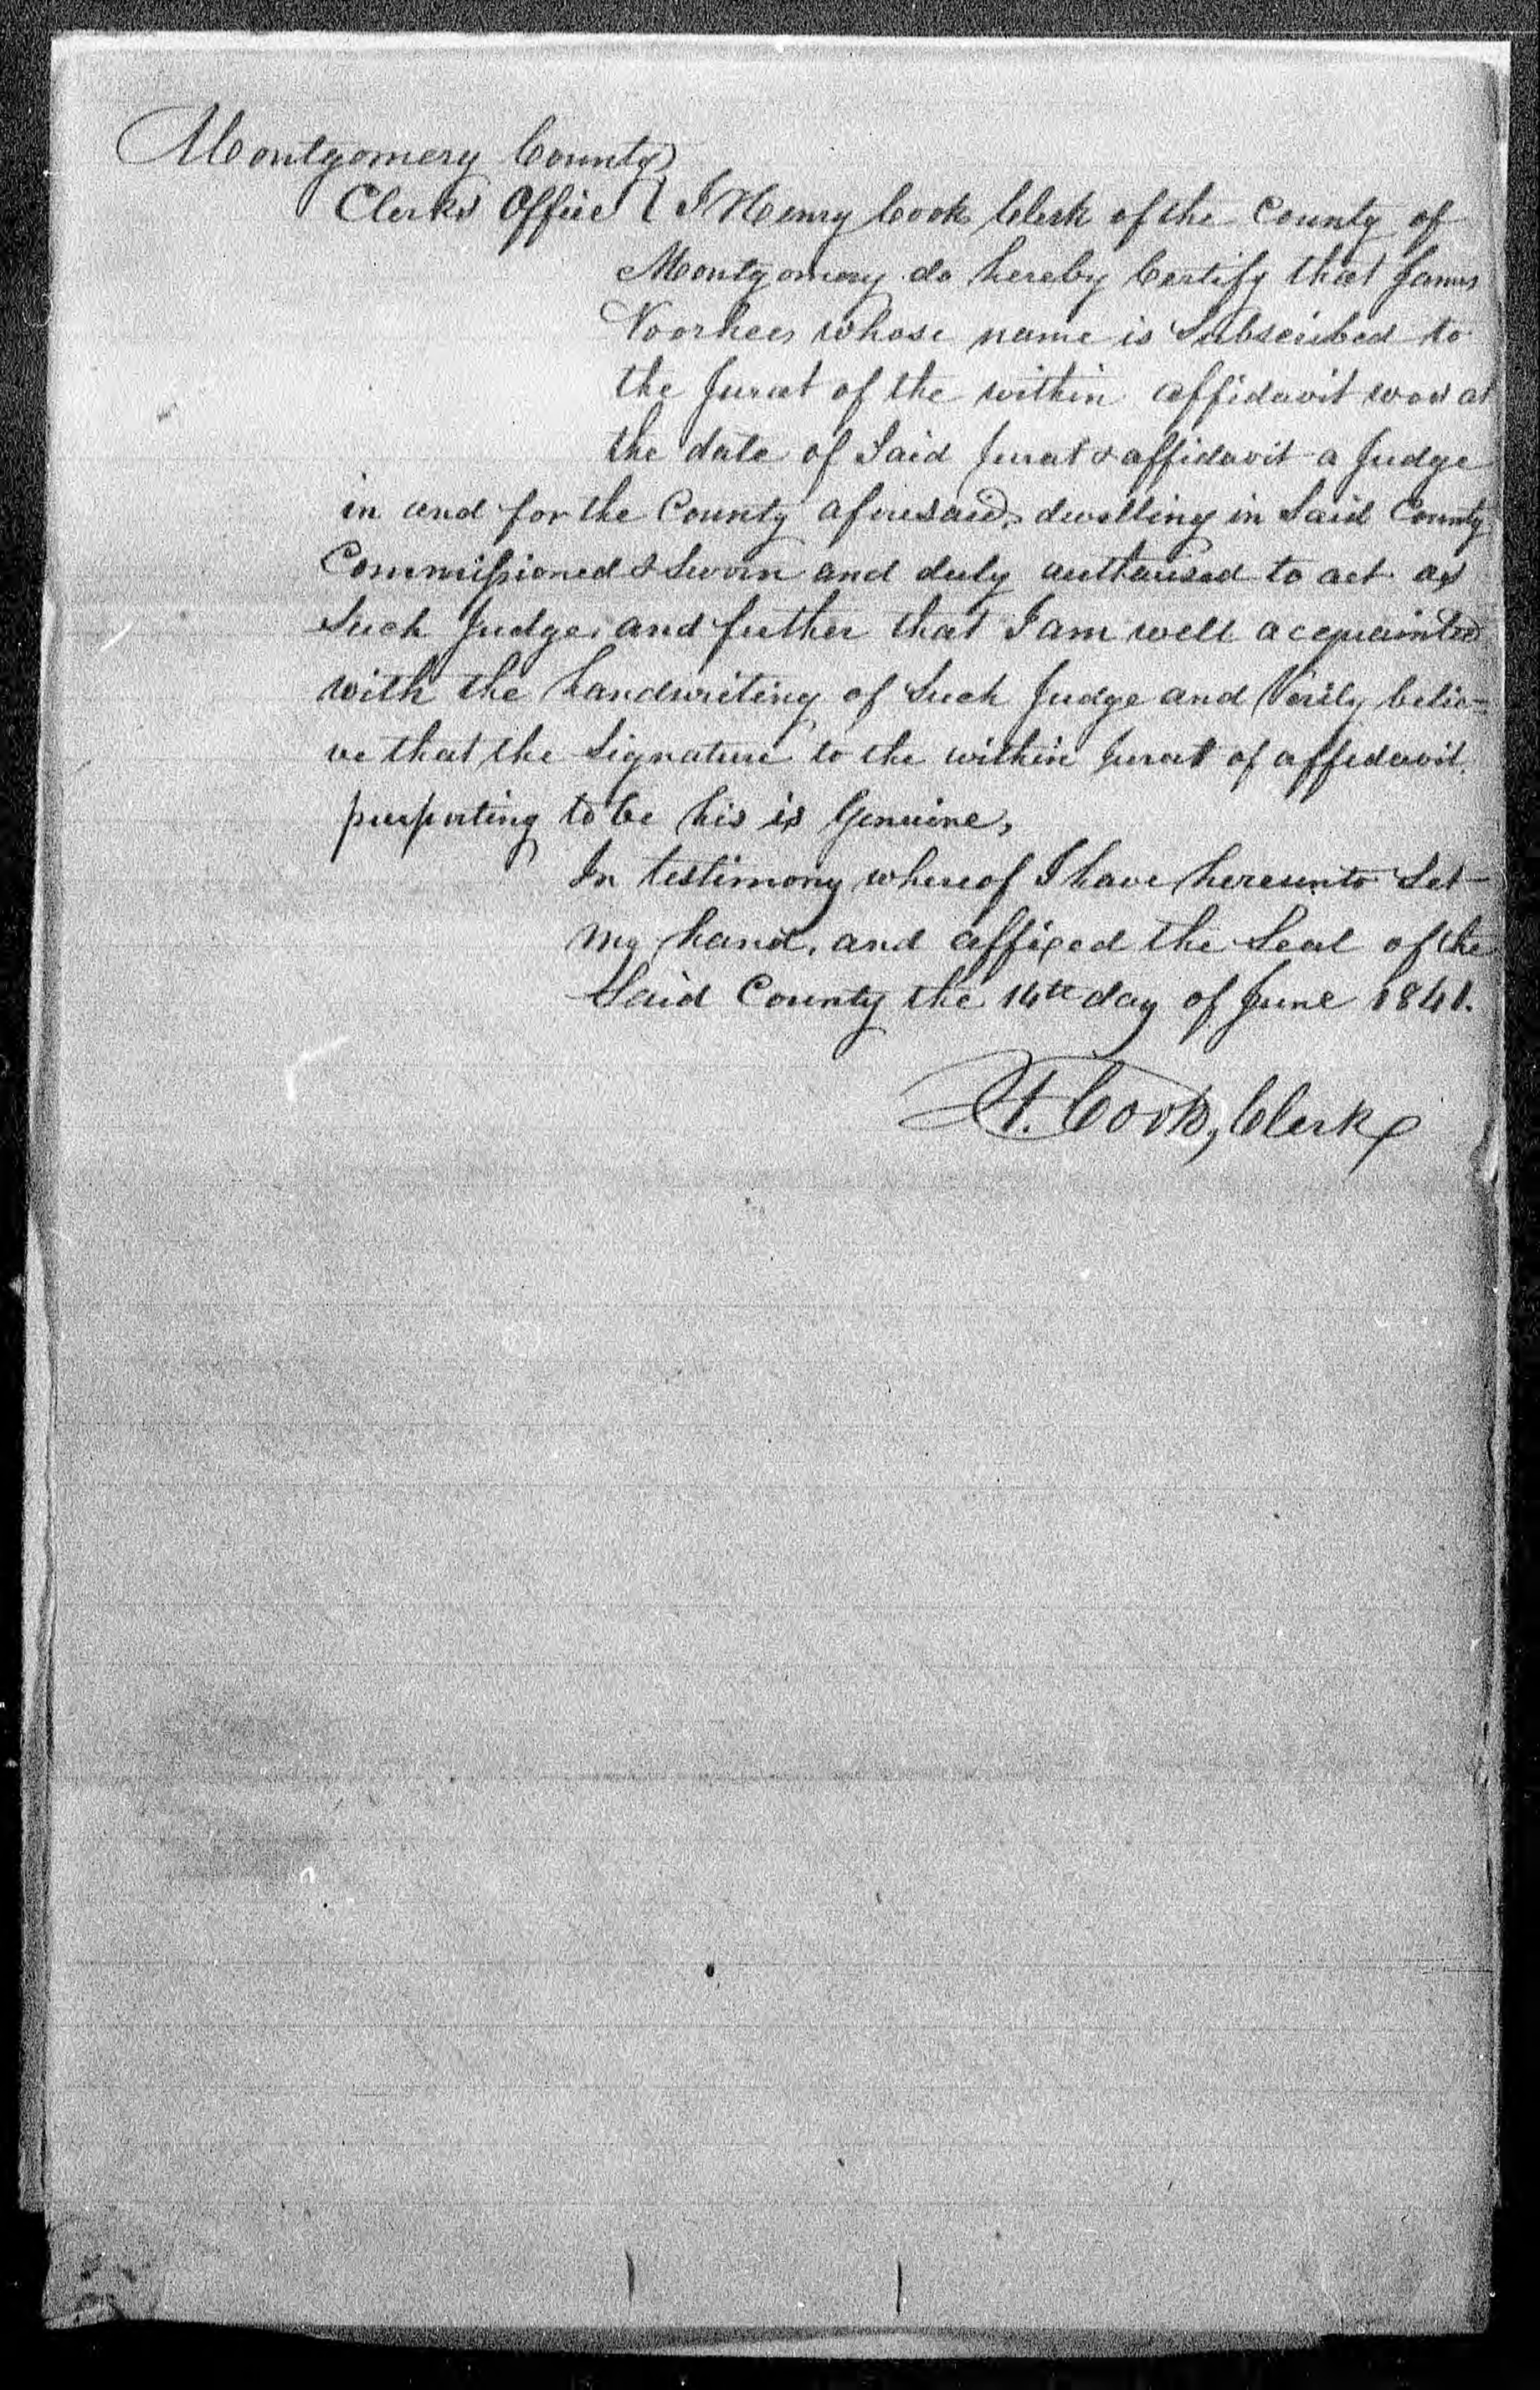Montgomery County Clerk's Office
I Henry Cook Clerk of the County of Montgomery, do hereby certify that James Voorhees whose name is subscribed to the Jurat of the within affidavit was at the date of said Jurat & affidavit a Judge in and for the County aforesaid, dwelling in said County, commissioned & sworn and duly authenticated to act as such Judge, and further that I am well acquainted with the handwriting of such Judge and verily believe that the signature to the within Jurat of affidavit purporting to be his is genuine.
In testimony whereof I have hereunto set my hand, and affixed the seal of the said County the 16th day of June 1841.
H. Cook, Clerk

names: Henry Cook, H Cook, James Voorhees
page: 26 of 68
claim: rejected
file: R. 2,360, John Couch, Conn.